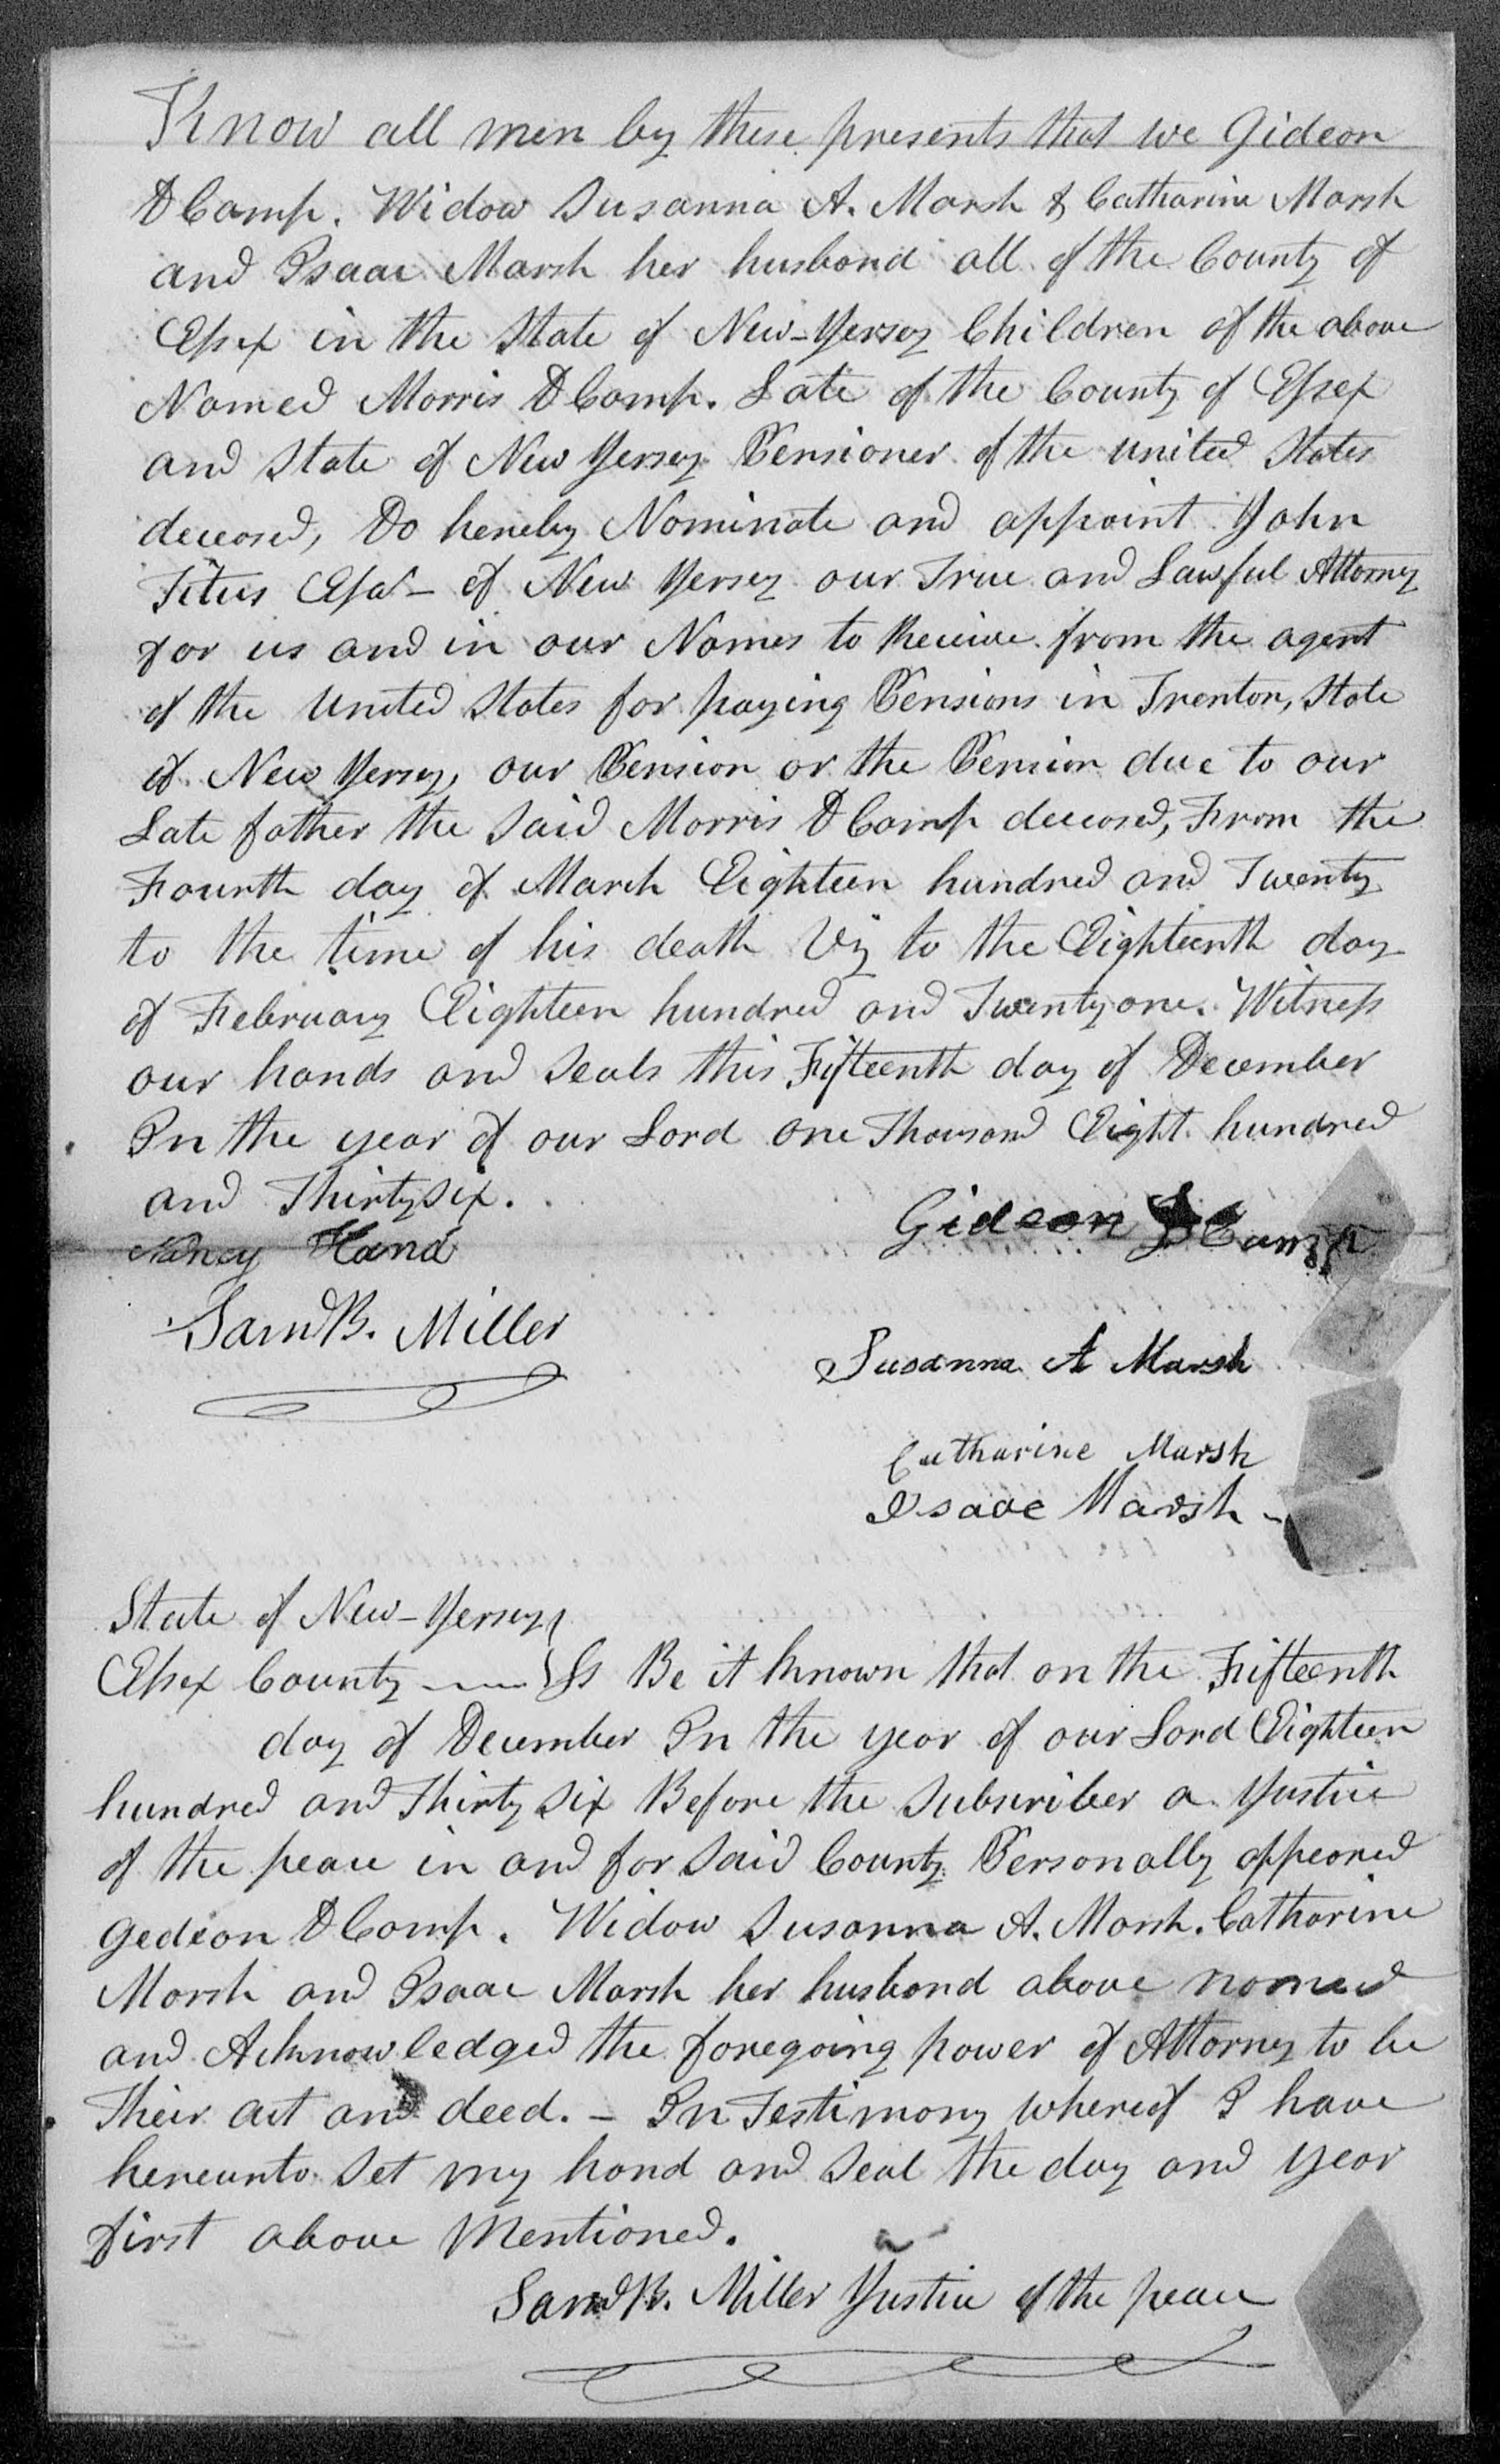Know all men by these presents that we Gideon D Camp, Widow Susanna A. Marsh & Catharine Marsh and Isaac Marsh her husband all of the County of Essex in the State of New Jersey Children of the above named Morris D Camp, Late of the County of Essex and state of New Jersey, pensioner of the United States deceased, do hereby nominate and appoint John Titus Afd of New Jersey our true and lawful attorney for us and in our names to receive from the agent of the United States for paying pensions in Trenton, State of New Jersey, our pension or the pension due to our late father the said Morris D Camp deceased, from the fourth day of March Eighteen hundred and twenty to the time of his death viz to the eighteenth day of February Eighteen hundred and Twenty one. Witness our hands and seals this fifteenth day of December in the year of our Lord one thousand eight hundred and thirty six.  
Gideon D Camp, Susanna S Marsh, Catharine Marsh, Isaac Marsh
Nancy Hand
Sam B. Miller
State of New Jersey Essex County}Ss: Be it known that on the fifteenth day of December in the year of our Lord Eighteen hundred and thirty six Before the subscriber a Justice of the peace in and for said County personally appeared Gideon D Camp, Widow Susanna A Marsh, Catharine Marsh and Isaac Marsh her husband above named and acknowledged the foregoing power of Attorney to be their act and deed. - In testimony whereof I have hereunto set my hand and seal the day and year first above mentioned.  Sam B. Miller Justice of the peace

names: John Titus, Isaac Marsh, Susanna A Marsh, Gideon D Camp, Morris D Camp, Saml B Miller, Catharine Marsh, Morris D Camp, Catharine Marsh, Susanna A Marsh, Gedion D Camp, Nancy Hand, Gideon D Camp, Catharine Marsh, Isaac Marsh, Isaac Marsh, Saml B Miller, Susanna A Marsh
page: 17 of 52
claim: survivor's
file: S. 34172, Morris D Camp, Continental (New Jersey)